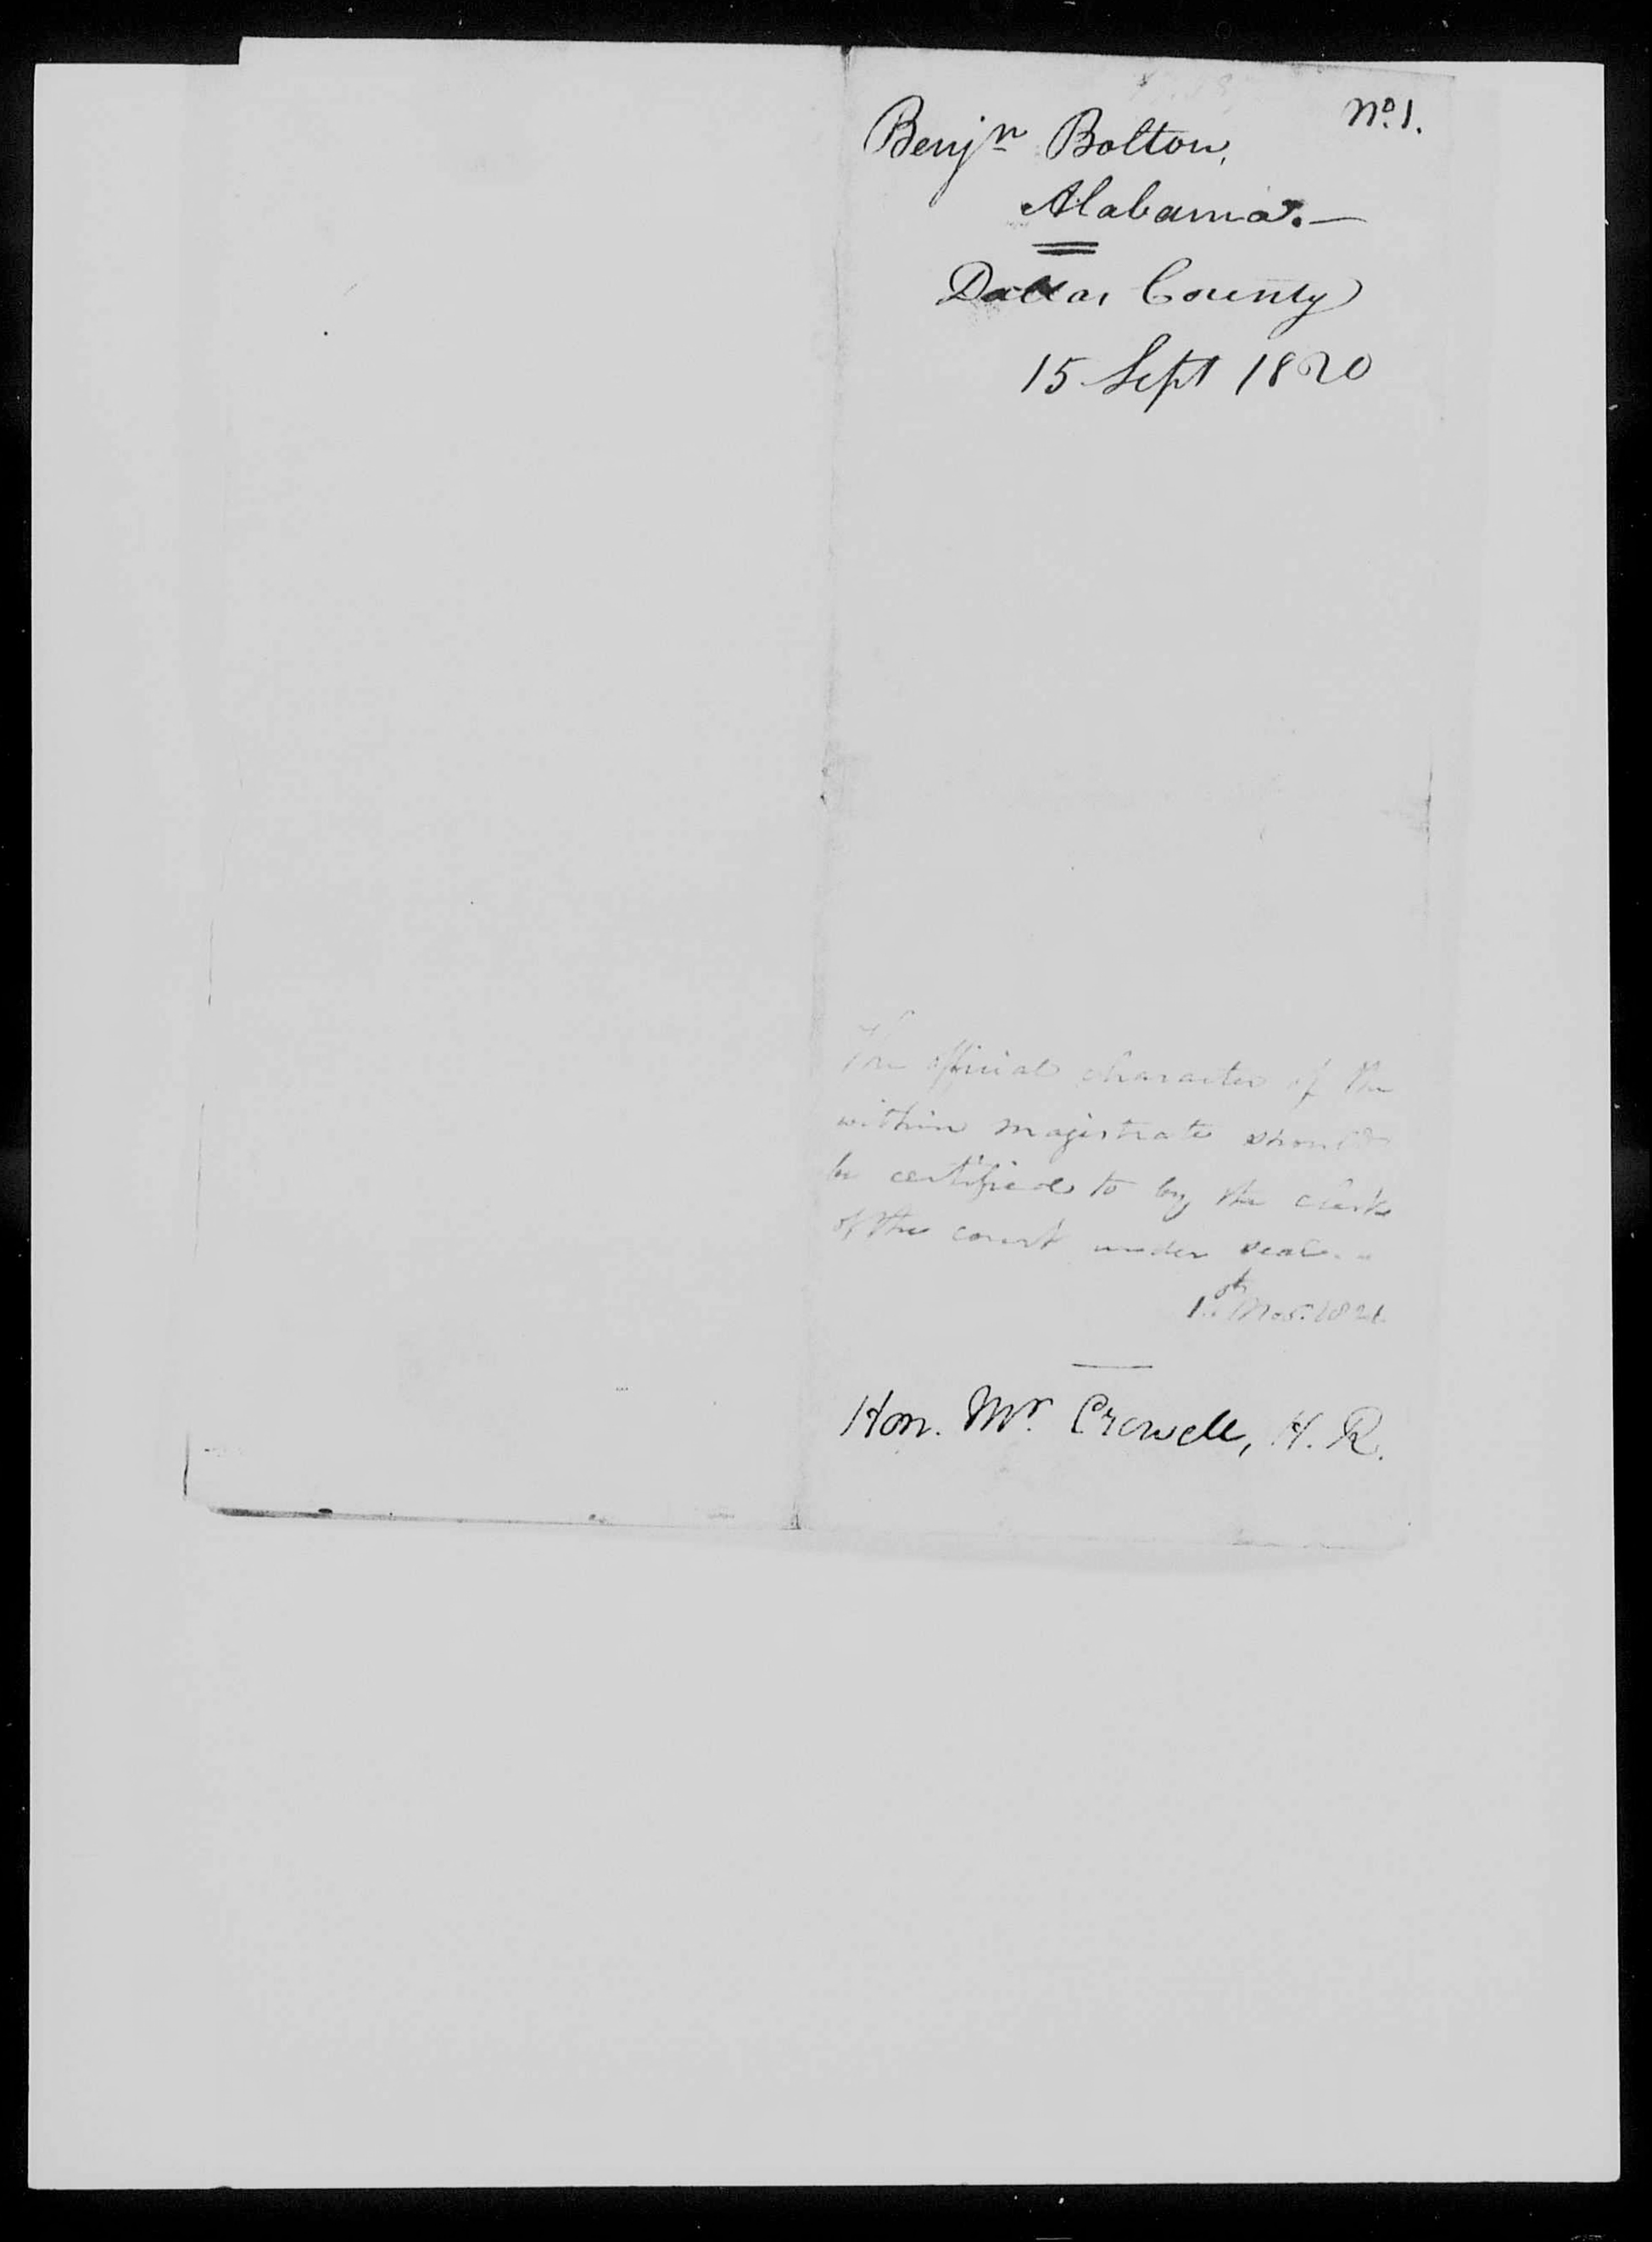Benj'n Bolton,    No. 1.
Alabama. -
______________
Dallas County
15 Sept 1820




The official character of the within magistrate should be certified to by the clerk of the court under seal.
1st Nov. 1821

_______
Hon. Mr. Crowell, H. R.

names: Benjn Bolton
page: 13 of 29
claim: survivor's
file: S. 37,795, Benjamin Bolton, N.C.